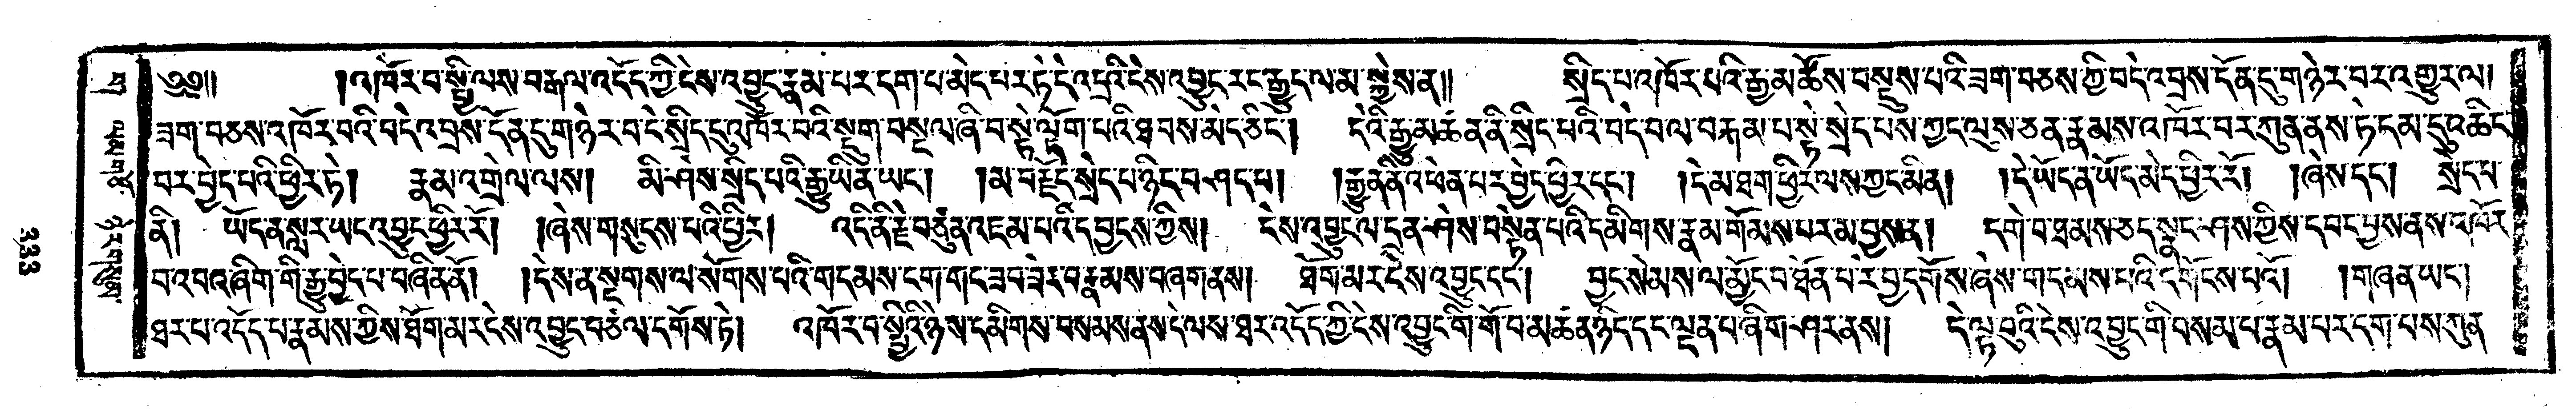༄༅། །འཁོར་བ་སྤྱི་ལས་བརྒལ་འདོད་ཀྱི་ངེས་འབྱུང་རྣམ་པར་དག་པ་མེད་པར་ཏེ་དེ་འདྲའི་ངེས་འབྱུང་རང་རྒྱུད་ལ་མ་སྐྱེས་ན།། སྲིད་པ་འཁོར་པའི་རྒྱ་མཚོས་བསྡུས་པའི་ཟག་བཅས་ཀྱི་བདེ་འབྲས་དོན་དུ་གཉེར་བར་འགྱུར་ལ།
ཟག་བཅས་འཁོར་བའི་བདེ་འབྲས་དོན་དུ་གཉེར་བ་དེ་སྲིད་དུ་འཁོར་བའི་སྡུག་བསྔལ་ཞི་བ་སྟེ་ལྡོག་པའི་ཐབས་མེད་ཅིང་། དེའི་རྒྱུ་མཚན་ནི་སྲིད་པའི་བདེ་བ་ལ་བརྐམ་པ་སྟེ་སྲེད་པས་ཀྱང་ལུས་ཅན་རྣམས་འཁོར་བར་ཀུན་ནས་ཏེ་དམ་དུ་འཆིང་
བར་བྱེད་པའི་ཕྱིར་ཏེ། རྣམ་འགྲེལ་ལས། མི་ཤེས་སྲིད་པའི་རྒྱུ་ཡིན་ཡང་། །མ་བརྗོད་སྲེད་པ་ཉིད་བཤད་པ། །རྒྱུན་ནི་འཕེན་པར་བྱེད་ཕྱིར་དང་། །དེ་མ་ཐག་ཕྱིར་ལས་ཀྱང་མིན། །དེ་ཡོད་ན་ཡོད་མེད་ཕྱིར་རོ། །ཞེས་དང་། སྲེད་པ་
ནི། ཡོད་ན་སླར་ཡང་འབྱུང་ཕྱིར་རོ། །ཞེས་གསུངས་པའི་ཕྱིར། འདི་ནི་རྗེ་བཙུན་འཇམ་པའི་དབྱངས་ཀྱིས། ངེས་འབྱུང་ལ་དྲན་ཤེས་བསྟེན་པའི་དམིགས་རྣམ་གོམས་པར་མ་བྱས་ན། དགེ་བ་ཐམས་ཅད་སྣང་ཤས་ཀྱིས་དབང་བྱས་ནས་འཁོར་
བ་འབའ་ཞིག་གི་རྒྱུ་བྱེད་པ་བཞིན་ནོ། །དེས་ན་སྔགས་ལ་སོགས་པའི་གདམས་ངག་གང་ཟག་ཟེར་བ་རྣམས་བཞག་ནས། ཐོག་མར་ངེས་འབྱུང་དང་། བྱང་སེམས་ལ་མྱོང་བ་ཐོན་པ་རེ་བྱ་དགོས་ཞེས་གདམས་པའི་དགོངས་པའོ། །གཞན་ཡང་།
ཐར་པ་འདོད་པ་རྣམས་ཀྱིས་ཐོག་མར་ངེས་འབྱུང་བཙལ་དགོས་ཏེ། འཁོར་བ་སྤྱིའི་ཉེས་དམིགས་བསམས་ནས་དེ་ལས་ཐར་འདོད་ཀྱི་ངེས་འབྱུང་གི་གོ་བ་མཚན་ཉིད་དང་ལྡན་པ་ཞིག་ཤར་ནས། དེ་ལྟ་བུའི་ངེས་འབྱུང་གི་བསམ་པ་རྣམ་པར་དག་པས་ཀུན་